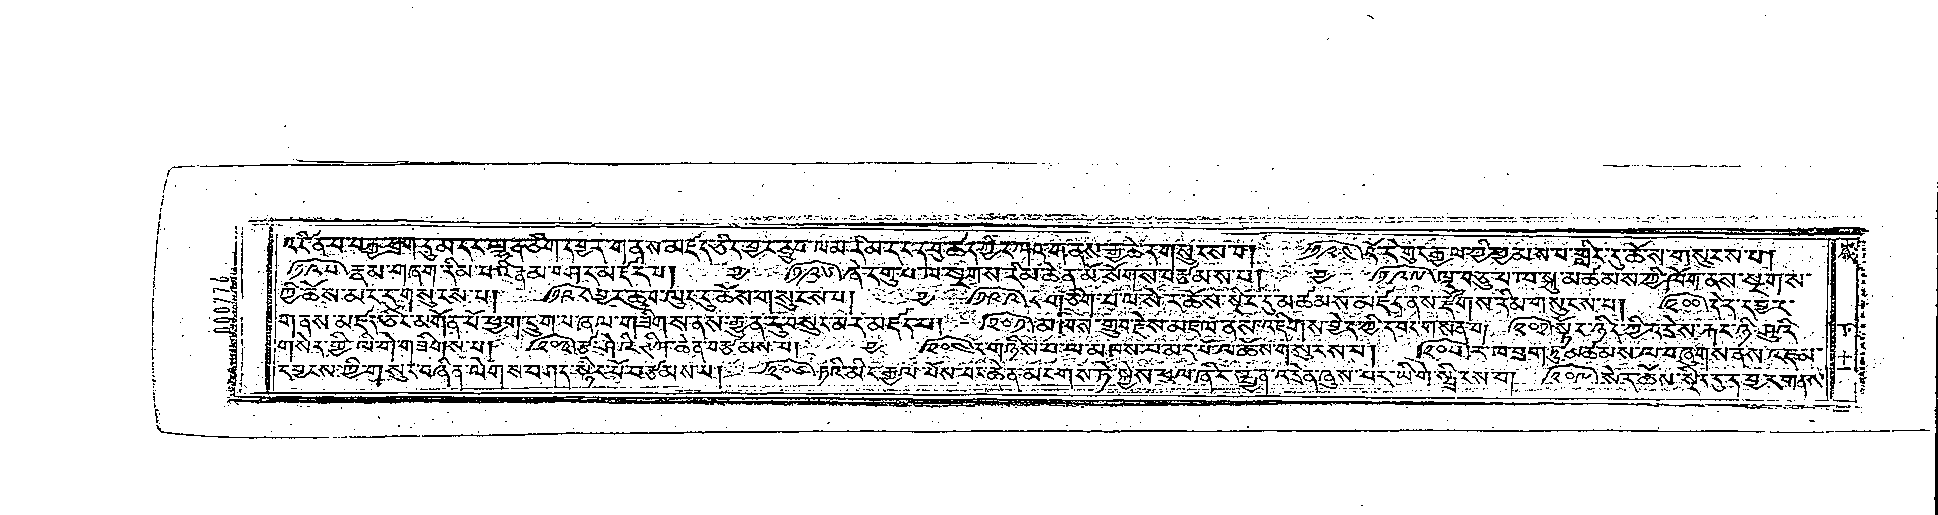འཛིན་པ་བརྒྱ་ཕྲག་དུ་མ་དང་ལྷན་ཅིག་དབྱར་གནས་མཛད་ཅིང་བྱང་ཆུབ་ལམ་རིམ་དང་དབུ་ཚད་ཀྱི་དཀའ་གནས་རྒྱ་ཆེར་གསུངས་པ། ༡༩༤?་འོ་དེ་གུང་རྒྱལ་ཀྱི་བྱམས་པ་གླིང་དུ་ཆོས་གསུངས་པ།
༼༡༩༥?་རྣམ་གཞག་རིམ་པའི་རྣམ་བཤད་མཛད་པ། ༧་༽༡༩༦?་ཞེ་དགུ་པ་ལ་སྔགས་རིམ་ཆེན་མོ་སོགས་བརྩམས་པ། ༧ ༡༩༧?་ལྔ་བཅུ་པ་ཁ་སྐུ་མཚམས་ཀྱི་ཁོག་ནས་སྔགས་
ཀྱི་ཆོས་མང་དུ་གསུངས་པ། ༼༡༩༨?་བྱང་ཆུབ་ལུང་དུ་ཆོས་གསུངས་པ། ༧་༽༡༩༩?་ང་གཅིག་པ་ལ་སེ་ར་ཆོས་སྡིང་དུ་མཚམས་མཛད་ནས་རྫོགས་རིམ་གསུངས་པ། ༢༠༠?་དེར་དབྱར་
གནས་མཛད་ཅིང་མགོན་པོ་ཕྱག་དྲུག་པ་ཞལ་གཟིགས་ནས་རྒྱུན་དུ་བསྲུང་མར་མཛད་པ། ༼༢༠༡?་མཁས་གྲུབ་རྗེས་མཇལ་ནས་འཇིགས་བྱེད་ཀྱི་དབང་གསན་པ། ༽༢༠༢?་སྟོང་ཉིད་ཀྱི་འདྲེས་རྐང་ཉི་ཤུའི་
གསེར་གྱི་ཡི་གེ་གཟིགས་པ། ༼༢༠༣?་རྩ་ཤེའི་ཊིཀ་ཆེན་བརྩམས་པ། ༧་༽༢༠༤?་ང་གཉིས་པ་ལ་མཁས་པ་མང་པོ་ལ་ཆོས་གསུངས་པ། ༢༠༥?་ར་ལ་བྲག་ཏུ་མཚམས་ལ་བཞུགས་ནས་འཇམ་
དབྱངས་ཀྱི་གསུང་བཞིན་ལེགས་བཤད་སྙིང་པོ་བརྩམས་པ། ༼༢༠༦?་ཏའི་མིང་རྒྱལ་བོས་བར་ཆེན་མངགས་ཏེ་སྐྱེས་ཕུལ་ཞིང་སྤྱན་འདྲེན་ཞུས་པར་ཡི་གེ་སྤྲིངས་པ། ༽༢༠༩?་སེ་ར་ཆོས་སྡིང་དུ་དབྱར་གནས་